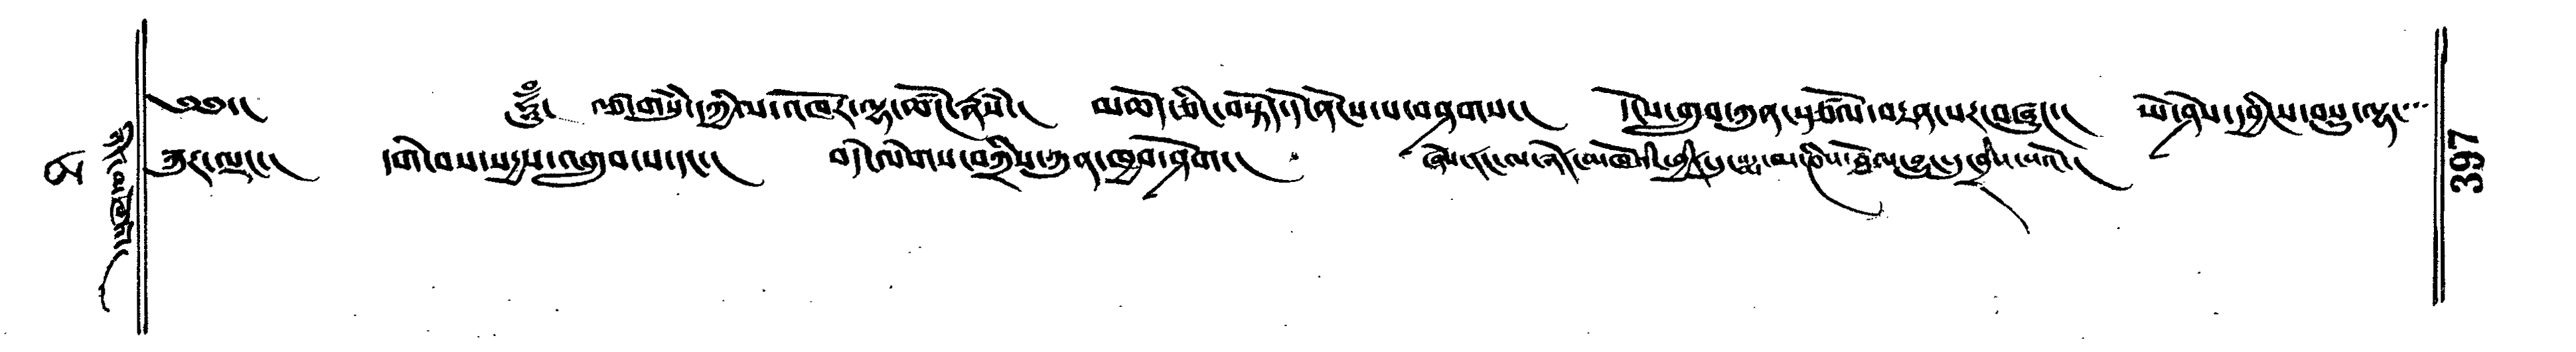༄༅། ཧཱུྃ། རྩ་གསུམ་དཀྱིལ་འཁོར་ལྷ་ཚོགས་རྣམས། །མཆོད་ཅིང་བསྟོད་དོ་ནོངས་པ་བཤགས། །དངོས་གྲུབ་སྩོལ་བརྟན་པར་བཞུགས། ཡེ་ཤེས་དབྱིངས་བསྡུ་ལྷ་
སྐུར་ལྡང་། །དགེ་བས་སངས་རྒྱས་འགྲུབ་པ་དང་། །བདེ་ལེགས་བཀྲ་ཤིས་ཀུན་ཁྱབ་ཤོག ཅེས་རང་ལ་ཉེར་མཁོའི་ཕྱིར་དུ་པདྨ་མ་ཎིས་ཐོལ་བྱུང་དུ་བྲིས་པའོ།། དགེའོ།།